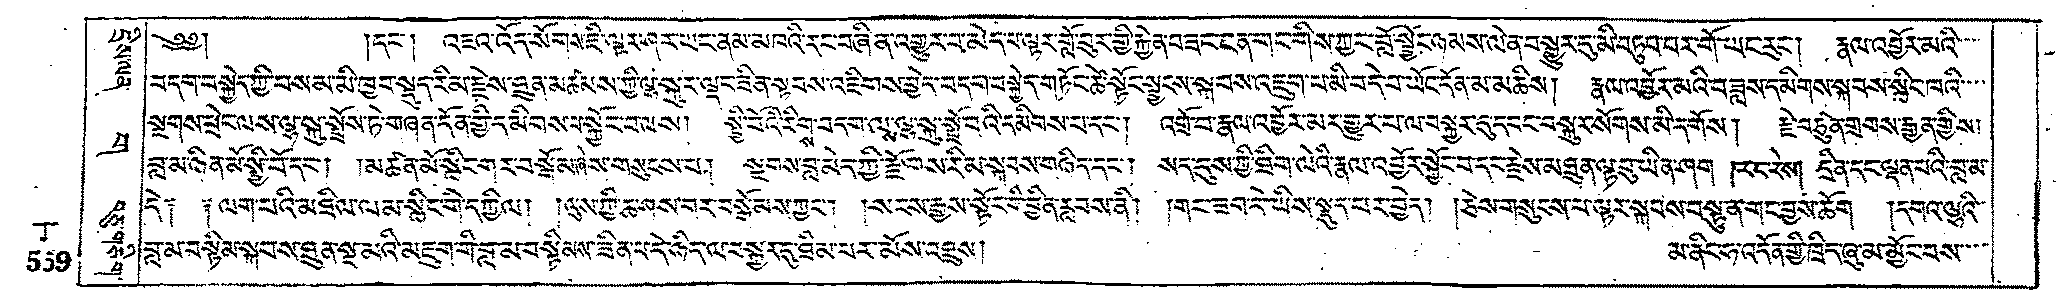༄༅། །དང་། འཇའ་འོད་སོགས་ཇི་ལྟར་ཤར་ཡང་ནམ་མཁའི་རང་བཞིན་འགྱུར་བ་མེད་པ་ལྟར་གློ་བུར་གྱི་རྐྱེན་བཟང་ངན་གང་གིས་ཀྱང་བློ་སྦྱོང་ཉམས་ལེན་བསྒྱུར་དུ་མི་བཏུབ་པར་གོ་ཡང་རུང་། རྣལ་འབྱོར་མའི་་་
བདག་བསྐྱེད་ཀྱི་བསམ་མི་ཁྱབ་སྡུད་རིམ་རྗེས་ཐུན་མཚམས་ཀྱི་ལྷ་སྐུར་ལྡང་ཟིན་སྟབས་འཇིགས་བྱེད་བདག་བསྐྱེད་གཏོང་ཚེ་སྟོང་སྦྱངས་སྐབས་འཇུག་པ་མི་བདེ་བ་ཡོང་དོན་མ་མཆིས། རྣལ་འབྱོར་མའི་བཟླས་དམིགས་སྐབས་སྙིང་ཁའི་་་
སྔགས་ཕྲེང་ལས་ལྷ་སྐུ་སྤྲོས་ཏེ་གཞན་དོན་གྱི་དམིགས་པ་སྐྱོང་བ་ལས། སྤྱི་བོའི་རིགས་བདག་ལས་ལྷ་སྐུ་སྤྲོ་བའི་དམིགས་པ་དང་། འགྲོ་བ་རྣལ་འབྱོར་མར་གྱུར་པ་ལ་བསྐྱར་དུ་དབང་བསྐུར་སོགས་མི་དགོས། རྗེ་བཙུན་གྲགས་རྒྱན་གྱིས།
བླ་མ་ཉིན་མོ་སྤྱི་བོ་དང་། །མཚན་མོ་སྙིང་གར་བསྒོམ་ཞེས་གསུངས་པ། སྔགས་བླ་མེད་ཀྱི་རྫོགས་རིམ་སྐབས་གཉིད་དང་། སད་དུས་ཀྱི་ཐིག་ལེའི་རྣལ་འབྱོར་སྐྱོང་བ་དང་རྗེས་མཐུན་ལྟ་བུ་ཡིན་ཤག །རང་རེས། དྲིན་དང་ལྡན་པའི་བླ་མ་
དེ༑ ༑ལག་པའི་མཐིལ་ལམ་སྙིང་གི་དཀྱིལ། །ལུས་ཀྱི་ཆ་ཤས་གར་བསྒོམས་ཀྱང་། །སངས་རྒྱས་སྟོང་གི་བྱིན་རླབས་ནི། །གང་ཟག་དེ་ཡིས་སྡུད་པར་བྱེད། །ཅེས་གསུངས་པ་ལྟར་སྐབས་བསྟུན་གང་བྱས་ཆོག །དགའ་ལྷའི་་་
བླ་མ་བསྟིམ་སྐབས་ཐུན་སྔ་མའི་མཇུག་གི་བླ་མ་བསྟིམས་ཟིན་པ་དེ་ཉིད་ལ་བསྐྱར་དུ་ཐིམ་པར་མོས་འཐུས། མ་ནིང་ཧ་འདོན་གྱི་ཁྲིད་ཞུ་མ་མྱོང་བས་་་